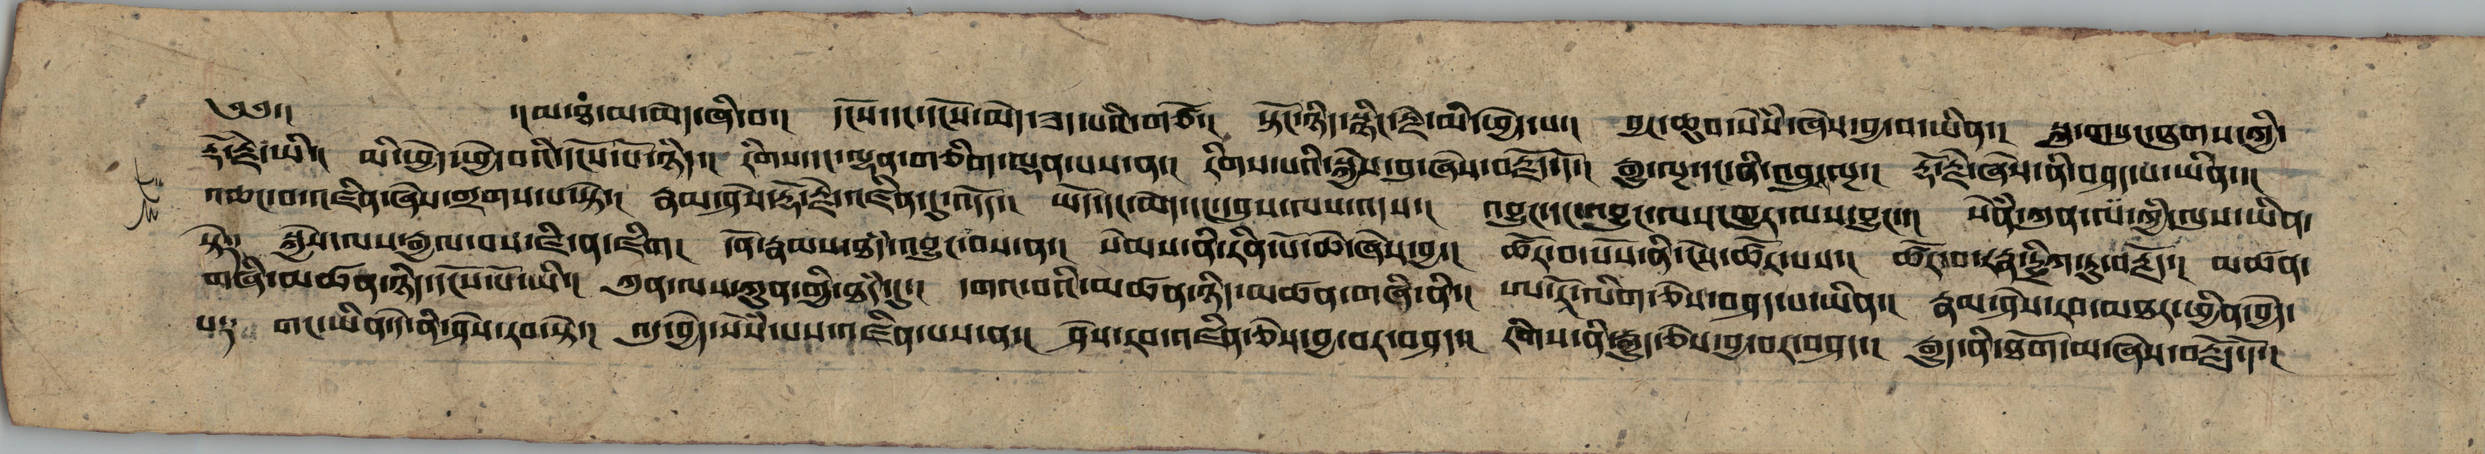༄༅་། ་།མ་ཐ་མ་མེད་ཞི་བ་། དངོས་དང་དངོས་མེད་ཟད་པའི་གཙོ་། སྟོང་ཉིད་སྙིང་རྗེ་མི་ཕྱེད་པ་། བྱང་ཆུབ་སེཾས་ཞེས་བྱ་བ་ཡིན་། སྐུ་གསུང་ཐུགས་ཀྱི་
རྡོ་རྗེ་ཡི་། མི་ཕྱེད་ཕྱེ་བའི་དངོས་པོ་ཉིད་། རིགས་དང་ལྡན་གཅིག་ལྡན་པས་ན་། རིགས་པའི་སྐྱེས་བུ་ཞེས་བརྗོད་དོ་། རྒྱུ་ལྔ་དང་ནི་འབྲུས་ལྔ་། རྡོ་རྗེ་ཞེས་ནི་བཤད་པ་ཡིན་་།
འཆང་བ་འཛིན་ཞེས་གྲགས་པ་སྟེ་། རྣམ་ཤེས་རྡོ་རྗེ་འཛིན་དུ་འདོད་། ཡོད་དང་མེད་དང་དབུས་ལས་འདས་། འབྱུང་དང་འབྱུང་ལས་གྱུར་ལས་བྱུང་་། སེནཾ་ཀུན་ལ་ཀྱི་ལུས་ཡིན་
སྟེ༑ སྐྱེས་ལས་རྒྱལ་བས་ཛི་ན་ཛིག། དོན་རྣམས་ཐཾད་འབྱུང་བས་ན་། སེམས་ནི་རིན་པོ་ཆེ་ཞེས་བྱ་། ཚོར་བ་པོས་ནི་ངེས་ཚོར་པས་། ཚོར་བ་རཏྣ་དྷྲིཀ་ཏུ་བརྗོད་། མཚན་
གཞི་མཚན་ཉིད་དངོས་པོ་ཡི་། ཀུན་ལས་ཀུན་གྱི་ཐཾད་དུ་། དགའ་བའི་མཚན་ཉིད་མཚན་གཞི་ནི་། ཨ་རཱོ་ལིག་ཅེས་བཤད་པ་ཡིན་། རྣམ་ཤེས་རབ་མཐར་ཕྱིན་བྱེད་
པ༑ གང་ཡིན་དེ་ནི་ཤེས་རབ་སྟེ་། འདུ་བྱེད་སེཾས་པས་འཛིན་པས་ན་། ཤེས་རབ་འཛིན་ཅེས་བྱ་བར་བཤད་། རིགས་ནི་རྒྱུད་ཅེས་བྱ་བར་བཤད་། རྒྱུད་ནི་ཐོག་མ་ཞེས་བརྗོད་དོ་།